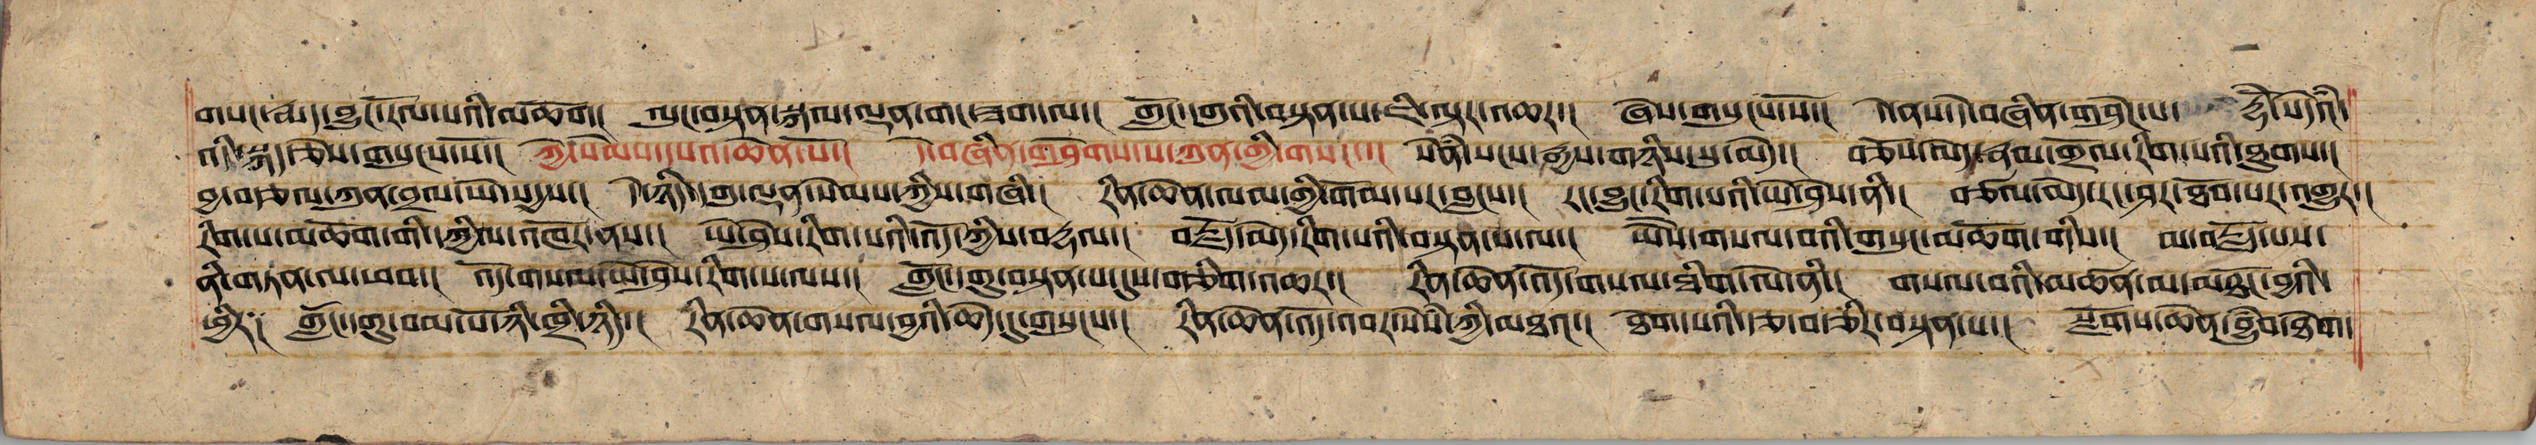གསང་རྨད་བྱུང་རོལ་པའི་མཆོག། ལུང་བསྟན་སྐལ་ལྡན་གང་ཟག་ལ་། ཀློང་དགུའི་བསྟན་པ་ཇི་ལྟར་འཆར་། ཞེས་གསུངས་སོ་། དེ་ནས་དེ་བཞིན་གཤེཌ་པ་ རྡོེ་སེདཾའ་
འདི་སྐད་ཅེས་གསུངས་སོ་། ཀྱེ་སེམས་དཔའ་ཆཻན་པོ་། དེ་བཞིན་གཤེགས་པ་ཀུན་གྱི་གསང་་། སེཾན་སངས་རྒྱས་གཉིས་སུ་མེད་། བཅོས་མེད་རྣམ་གྲོལ་རིག་པའི་ཐུགས་།
བྱ་བརྩལ་ཀུན་བྲལ་ཡེ་སདྱས་། དེ་ཉིད་དགུ་ལྡན་སེམས་ཀྱིས་གཞི་། རིན་ཆེན་ལམ་གྱི་གོམ་པར་བླངས་། རང་བྱུང་རིག་པའི་ཡེ་ཤེས་ནི་། བཙལ་མེད་རང་ཤར་ཐོབ་པར་འགྱུར་།
རིག་པ་མཆོག་གི་དཀྱིལ་འཁོར་ནས་། ཡེ་ཤེས་རིག་པའི་འོད་ཀྱིས་བརྡལ་། བརྗོད་མེད་རིག་པའི་བསྟན་པ་ལ་། ཡཻས་གསལ་བའི་གསུང་མཆོག་གིས་། མ་བརྗོད་པས་
ནི་གཏན་ལ་ཕབ་། འོད་གསལ་ཡེ་ཤེས་རིག་པ་ལས་། གློང་དགུ་བསྟན་པ་དུས་གཅིག་འཆར་། རིན་ཆེན་འོད་གསལ་ཐིག་ལེ་ནི་། གསལ་བའི་མཚན་མ་མཐོང་བྱའི་
ཕྱིར༑ གློང་དགུ་བམ་པོ་ཉི་ཁྲི་ཉིད་། རིན་ཆེན་གསལ་བྱའི་ཆེད་དུ་གསུངས་། རིན་ཆེན་འོད་འབར་སེཾས་ཀྱི་མཐའ་། ཐེག་པའི་རྩ་བ་ཅིར་བསྟན་པ་། སྫོགས་ཆེན་བྱུཾབ་ཐེག་